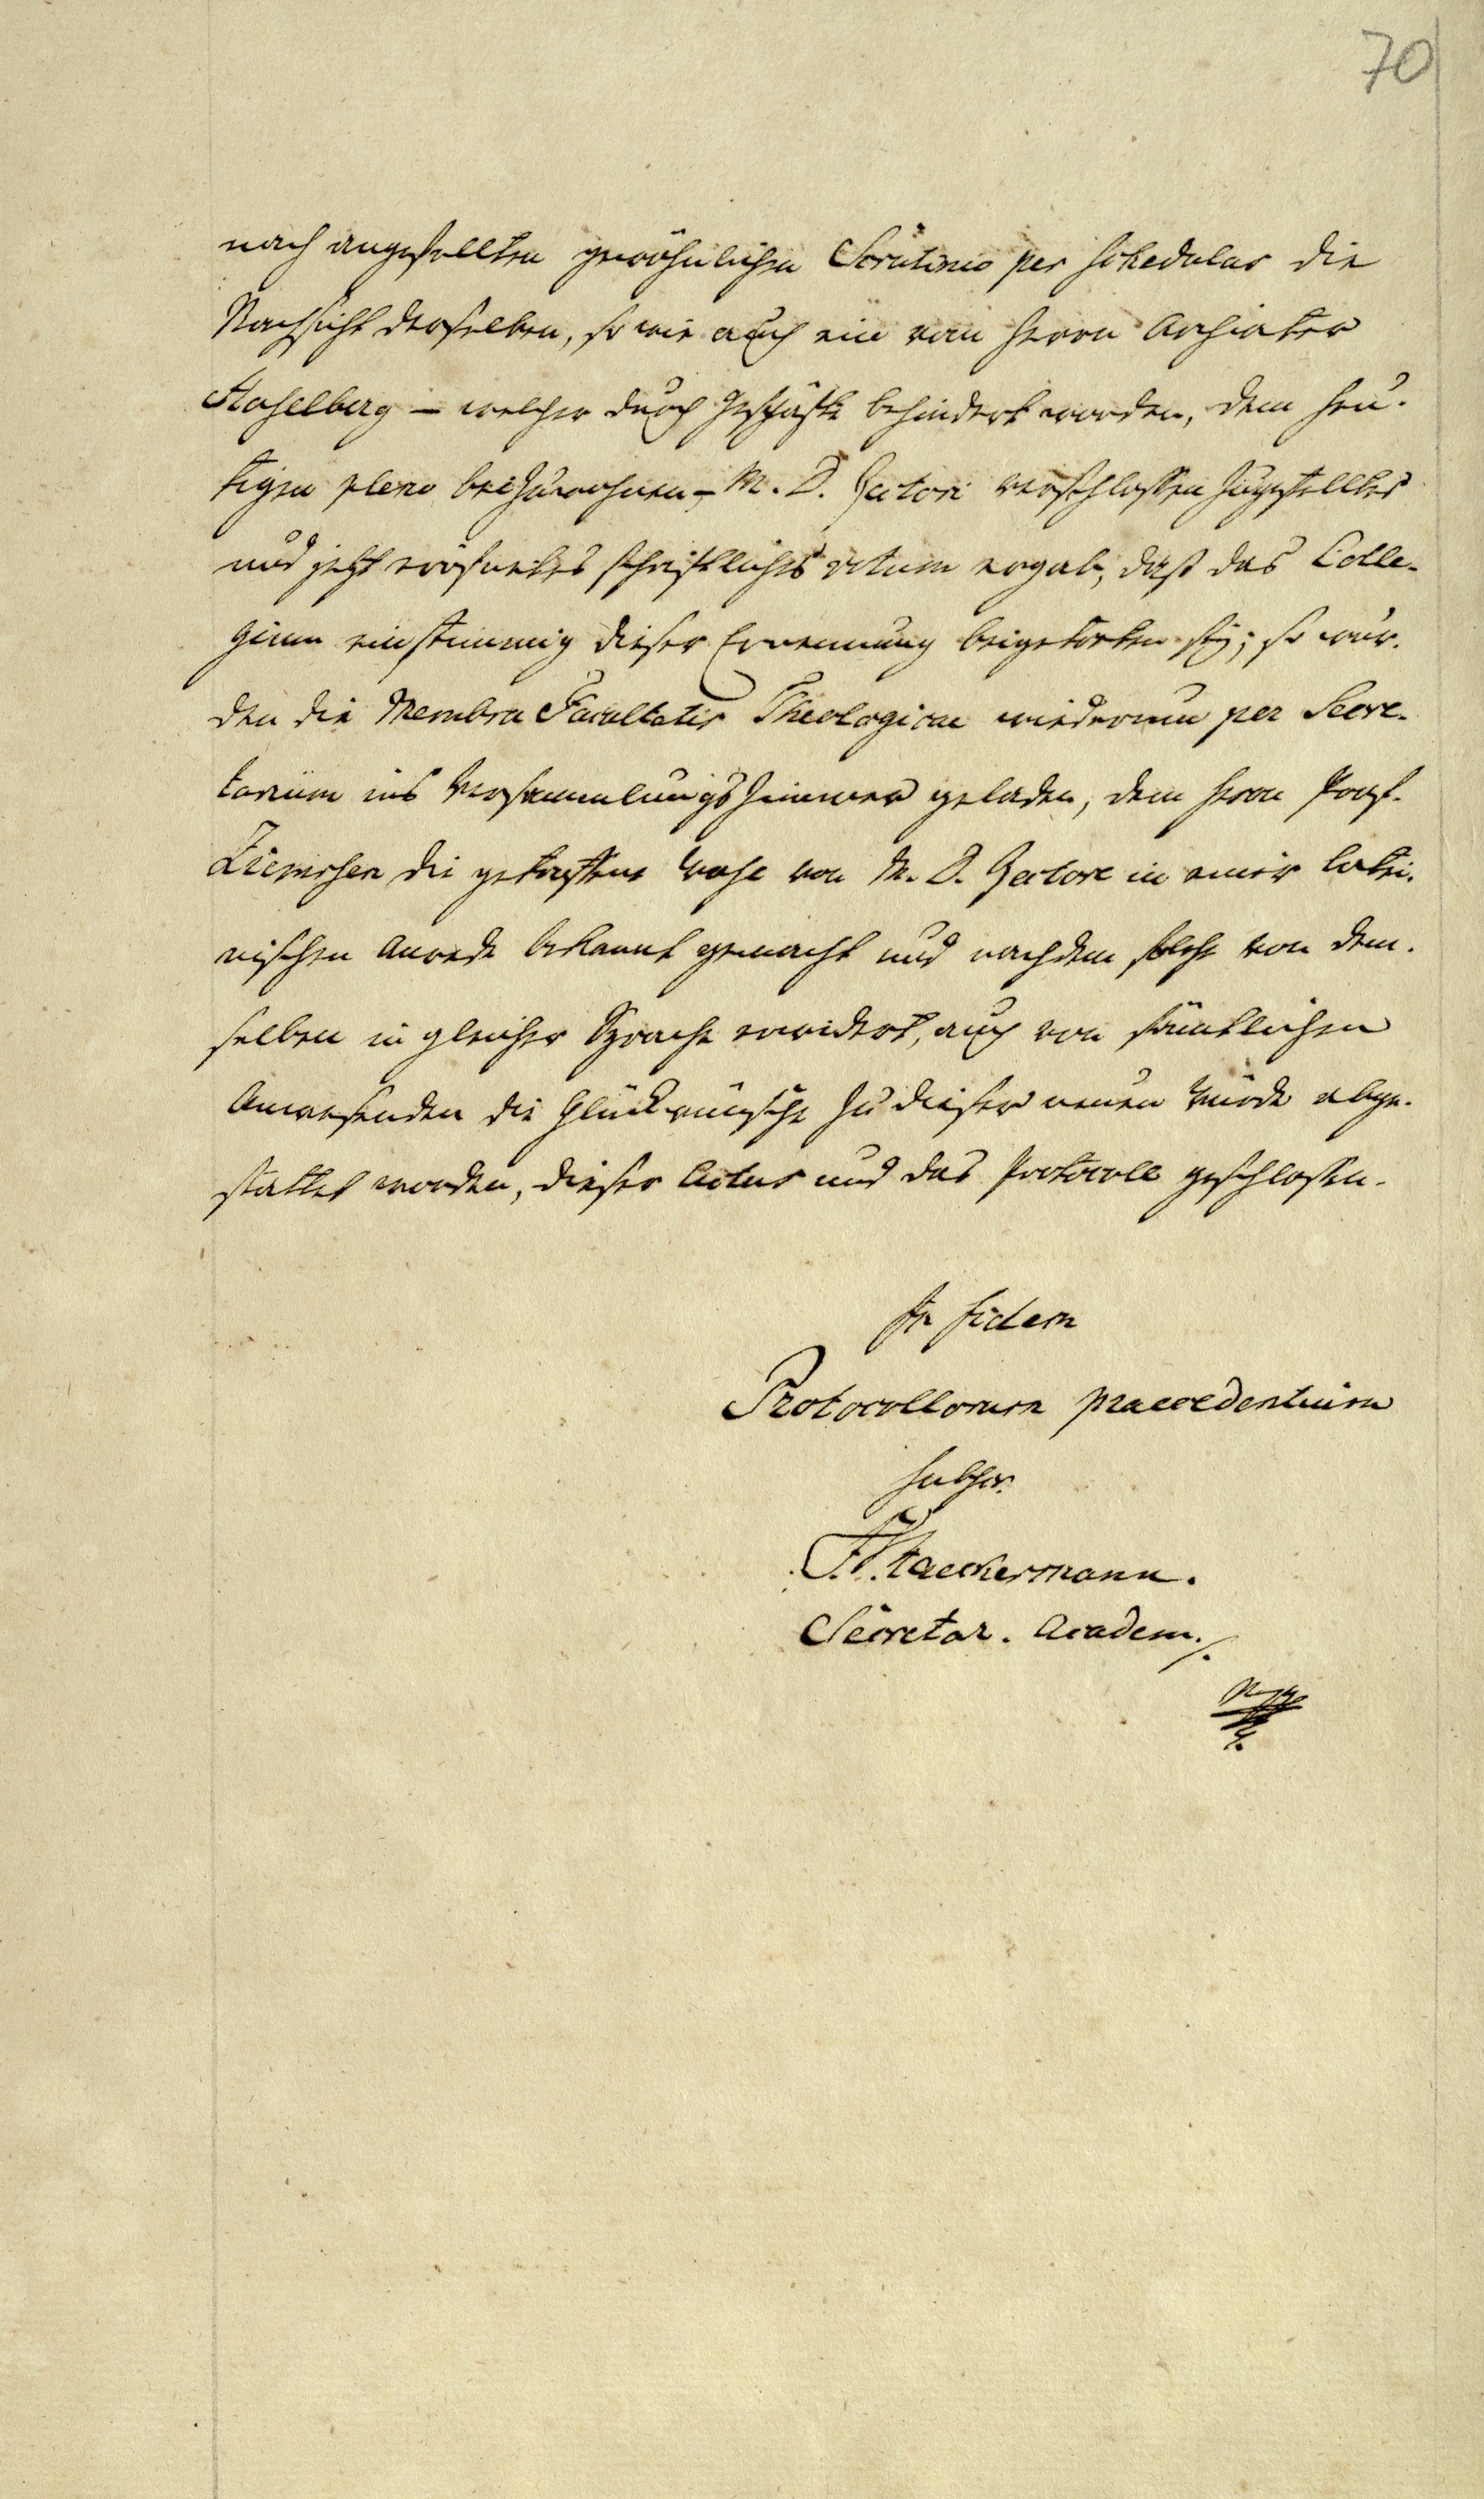nach angestellten gewöhnlichen Scrutinio per Schedulas die
Nachsicht derselben, so wie auch ein vom Herrn Archiater
Haselberg welcher durch Geschäfte behindert worden, dem heu¬
tigen pleno beizuwohnen M. D. Rectori verschlossen zugestelltes
und jetzt eröfnetes schriftliches votum ergab, daß das Colle¬
gium einstimmig dieser Ernennung beigetreten seÿ; so wur¬
den die Membra Facultatis Theologicae wiederum per Secre¬
tarium ins Versammlungs Zimmer geladen, dem Herrn Prof.
Ziemssen die getroffene Wahl von M. D. Rectore in einer latei¬
nischen Anrede bekannt gemacht und nachdem solche von dem¬
selben in gleicher Sprache erwidert, auch von sämtlichen
Anwesenden die Glückwünsche zu dieser neuen Würde abge¬
stattet worden, dieser Actus und das Protocoll geschlossen.
In fidem
Protocollorum praecedentium
subscr.
J.G. Haeckermann.
Secretar. Academ.